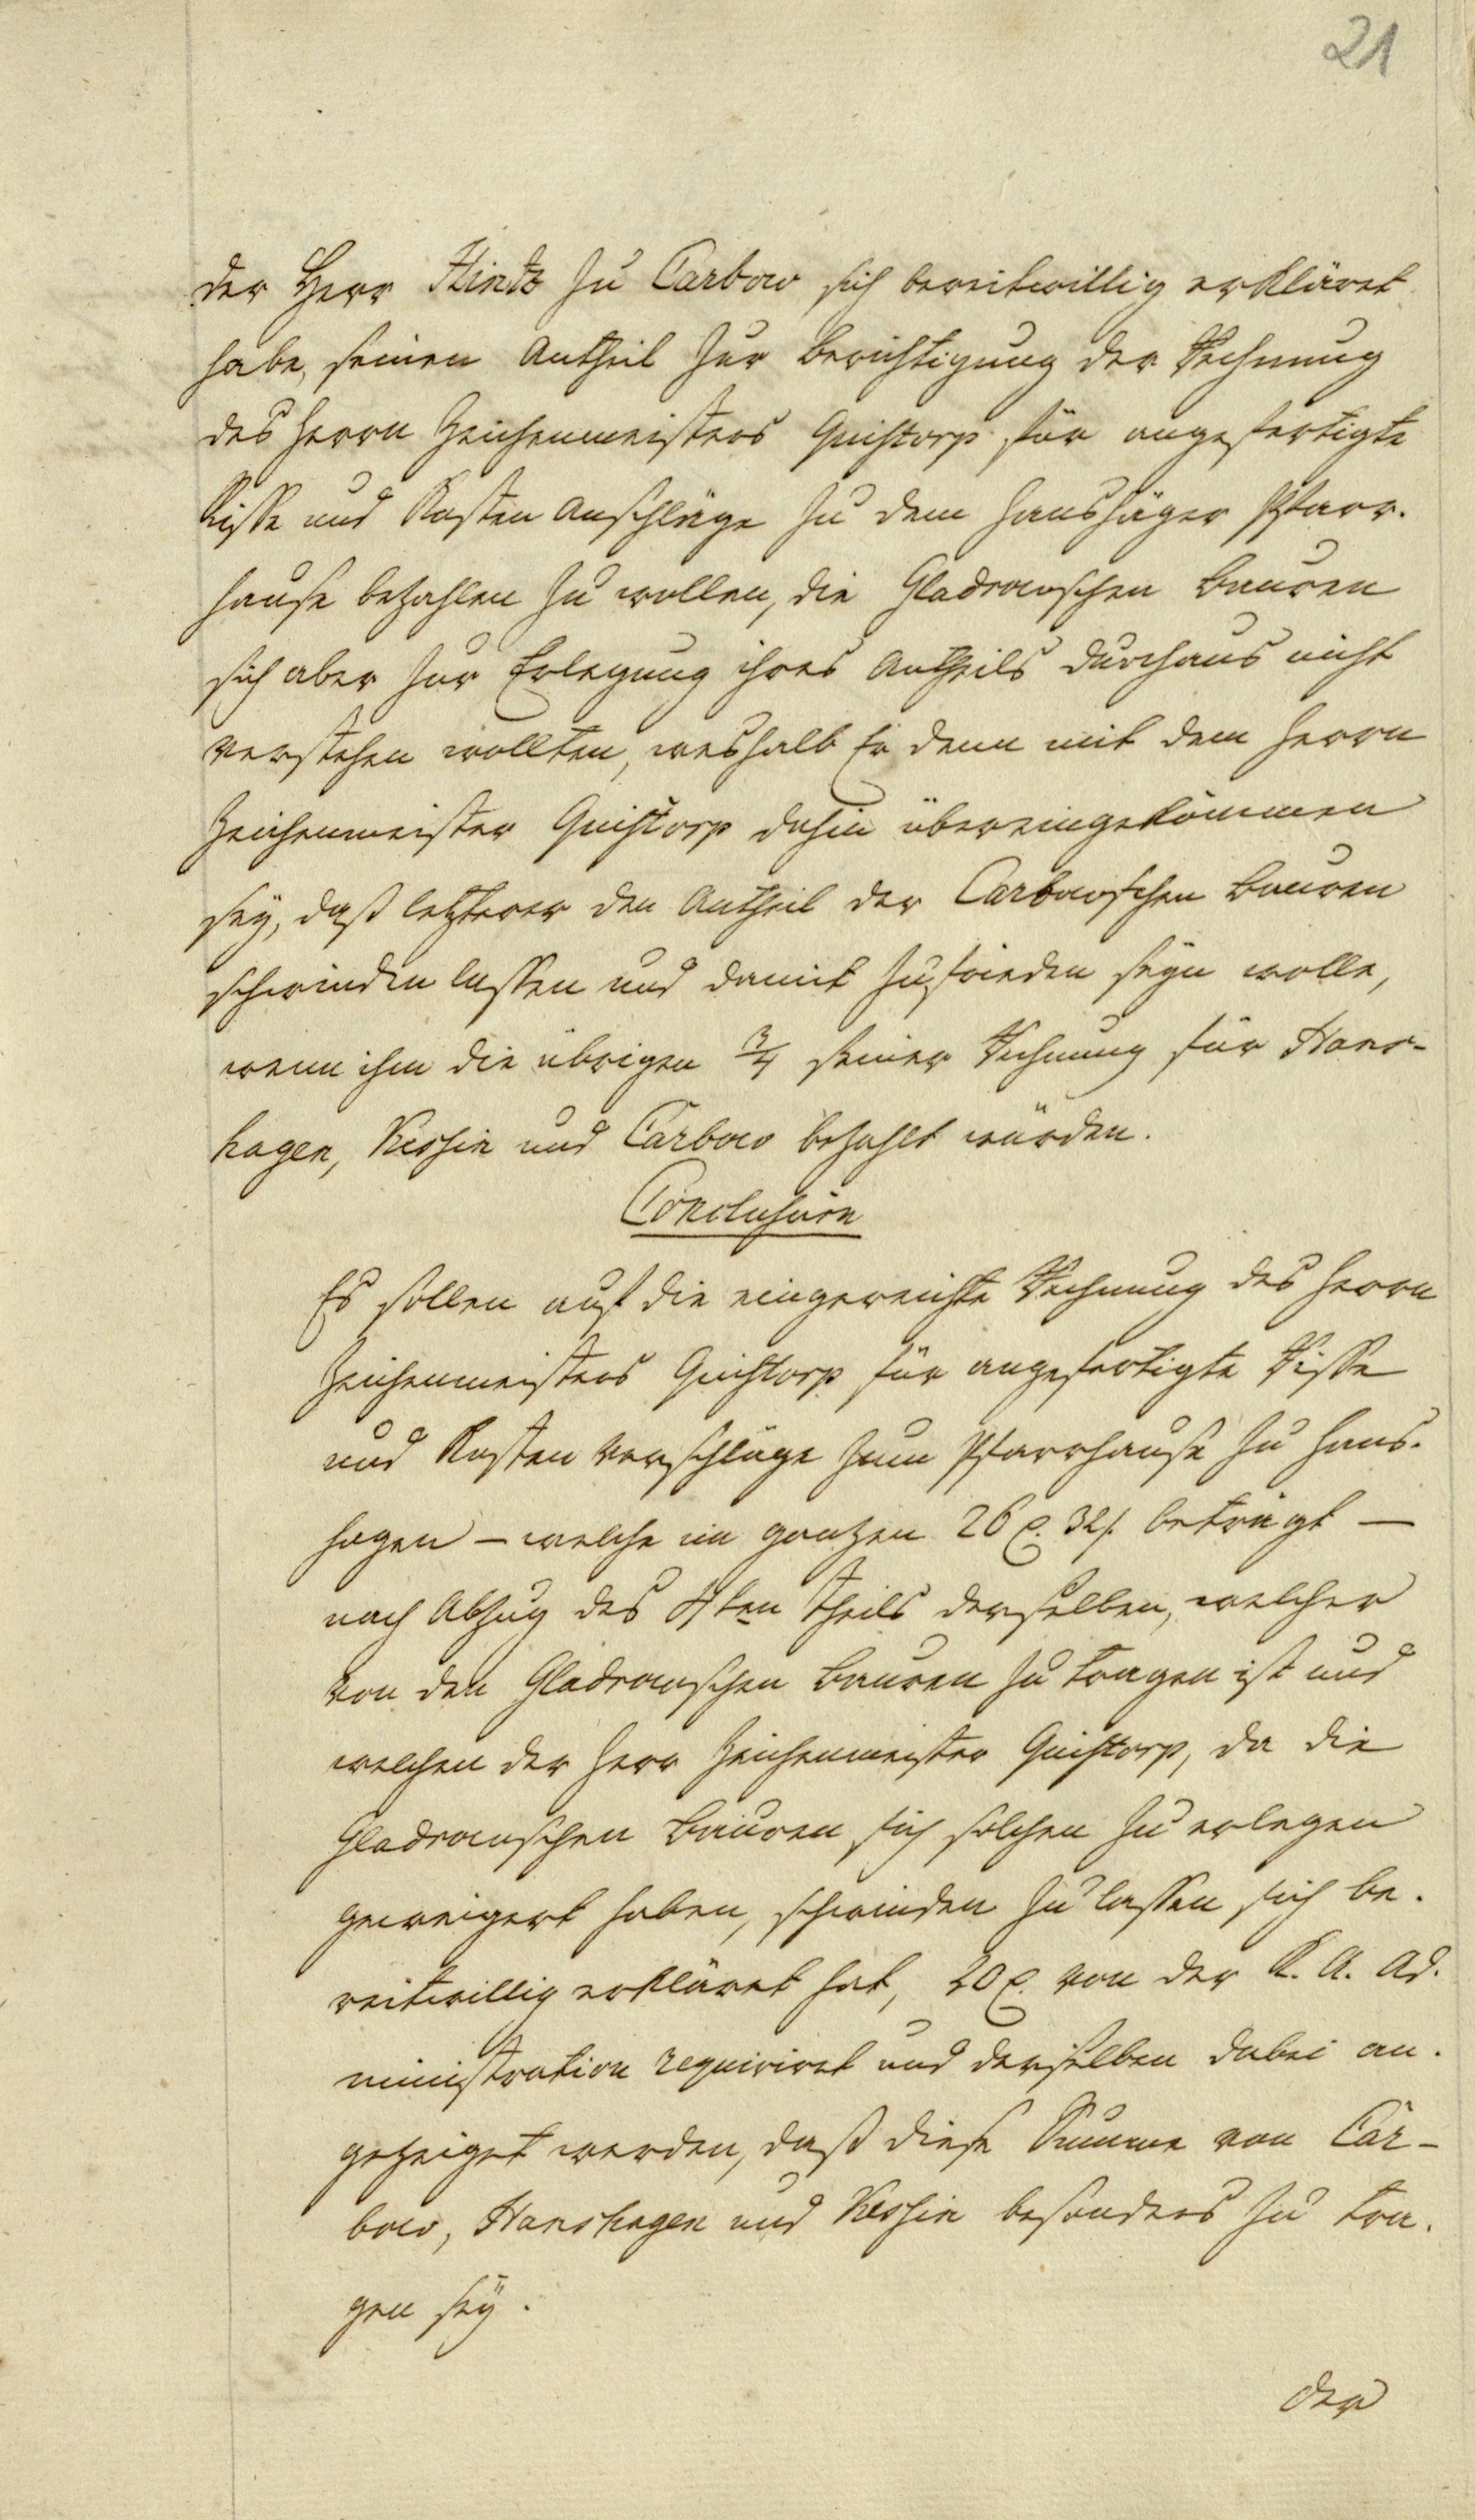der Herr Hintz zu Carbow sich bereitwillig erkläret
habe, seinen Antheil zur Berichtigung der Rechnung
des herrn Zeichenmeisters Quistorp für angefertigte
Risse und Kosten Anschläge zu dem Hanshäger Pfarr¬
hause bezahlen zu wollen, die Gladrowschen Bauren
sich aber zur Erlegung ihres Antheils durchaus nicht
verstehen wollten, weshalb Er denn mit dem herrn
Zeichenmeister Quistorp dahin übereingekommen
seÿ, daß letzterer den Antheil der Carbowschen Bauren
schwinden lassen und damit zufrieden seÿn wolle,
wenn ihm die übrigen ¾ seiner Rechnung für Hans¬
hagen, Kessin und Carbow bezahlt würden.
Conclusum
Es sollen auf die eingereichte Rechnung des herrn
Zeichenmeisters Quistorp für angefertigte Risse
und Kosten Vorschläge zum Pfarrhause zu Hans¬
hagen, welche im ganzen 26 l. 32 s. beträgt
nach Abzug des 4 ten Theils derselben, welcher
von den Gladrowschen Bauren zu tragen ist und
welchen der Herr Zeichenmeister Quistorp, da die
Gladrowschen Bauren sich solche zu erlegen
geweigert haben, schwinden zu lassen sich be¬
reitwillig erkläret hat, 20 l. von der K. A. Ad¬
ministration requiriret und derselben dabei an¬
gezeiget werden, daß diese Summe von Car¬
bow, Hanshagen und Kessin besonders zu tra¬
gen seÿ.
der